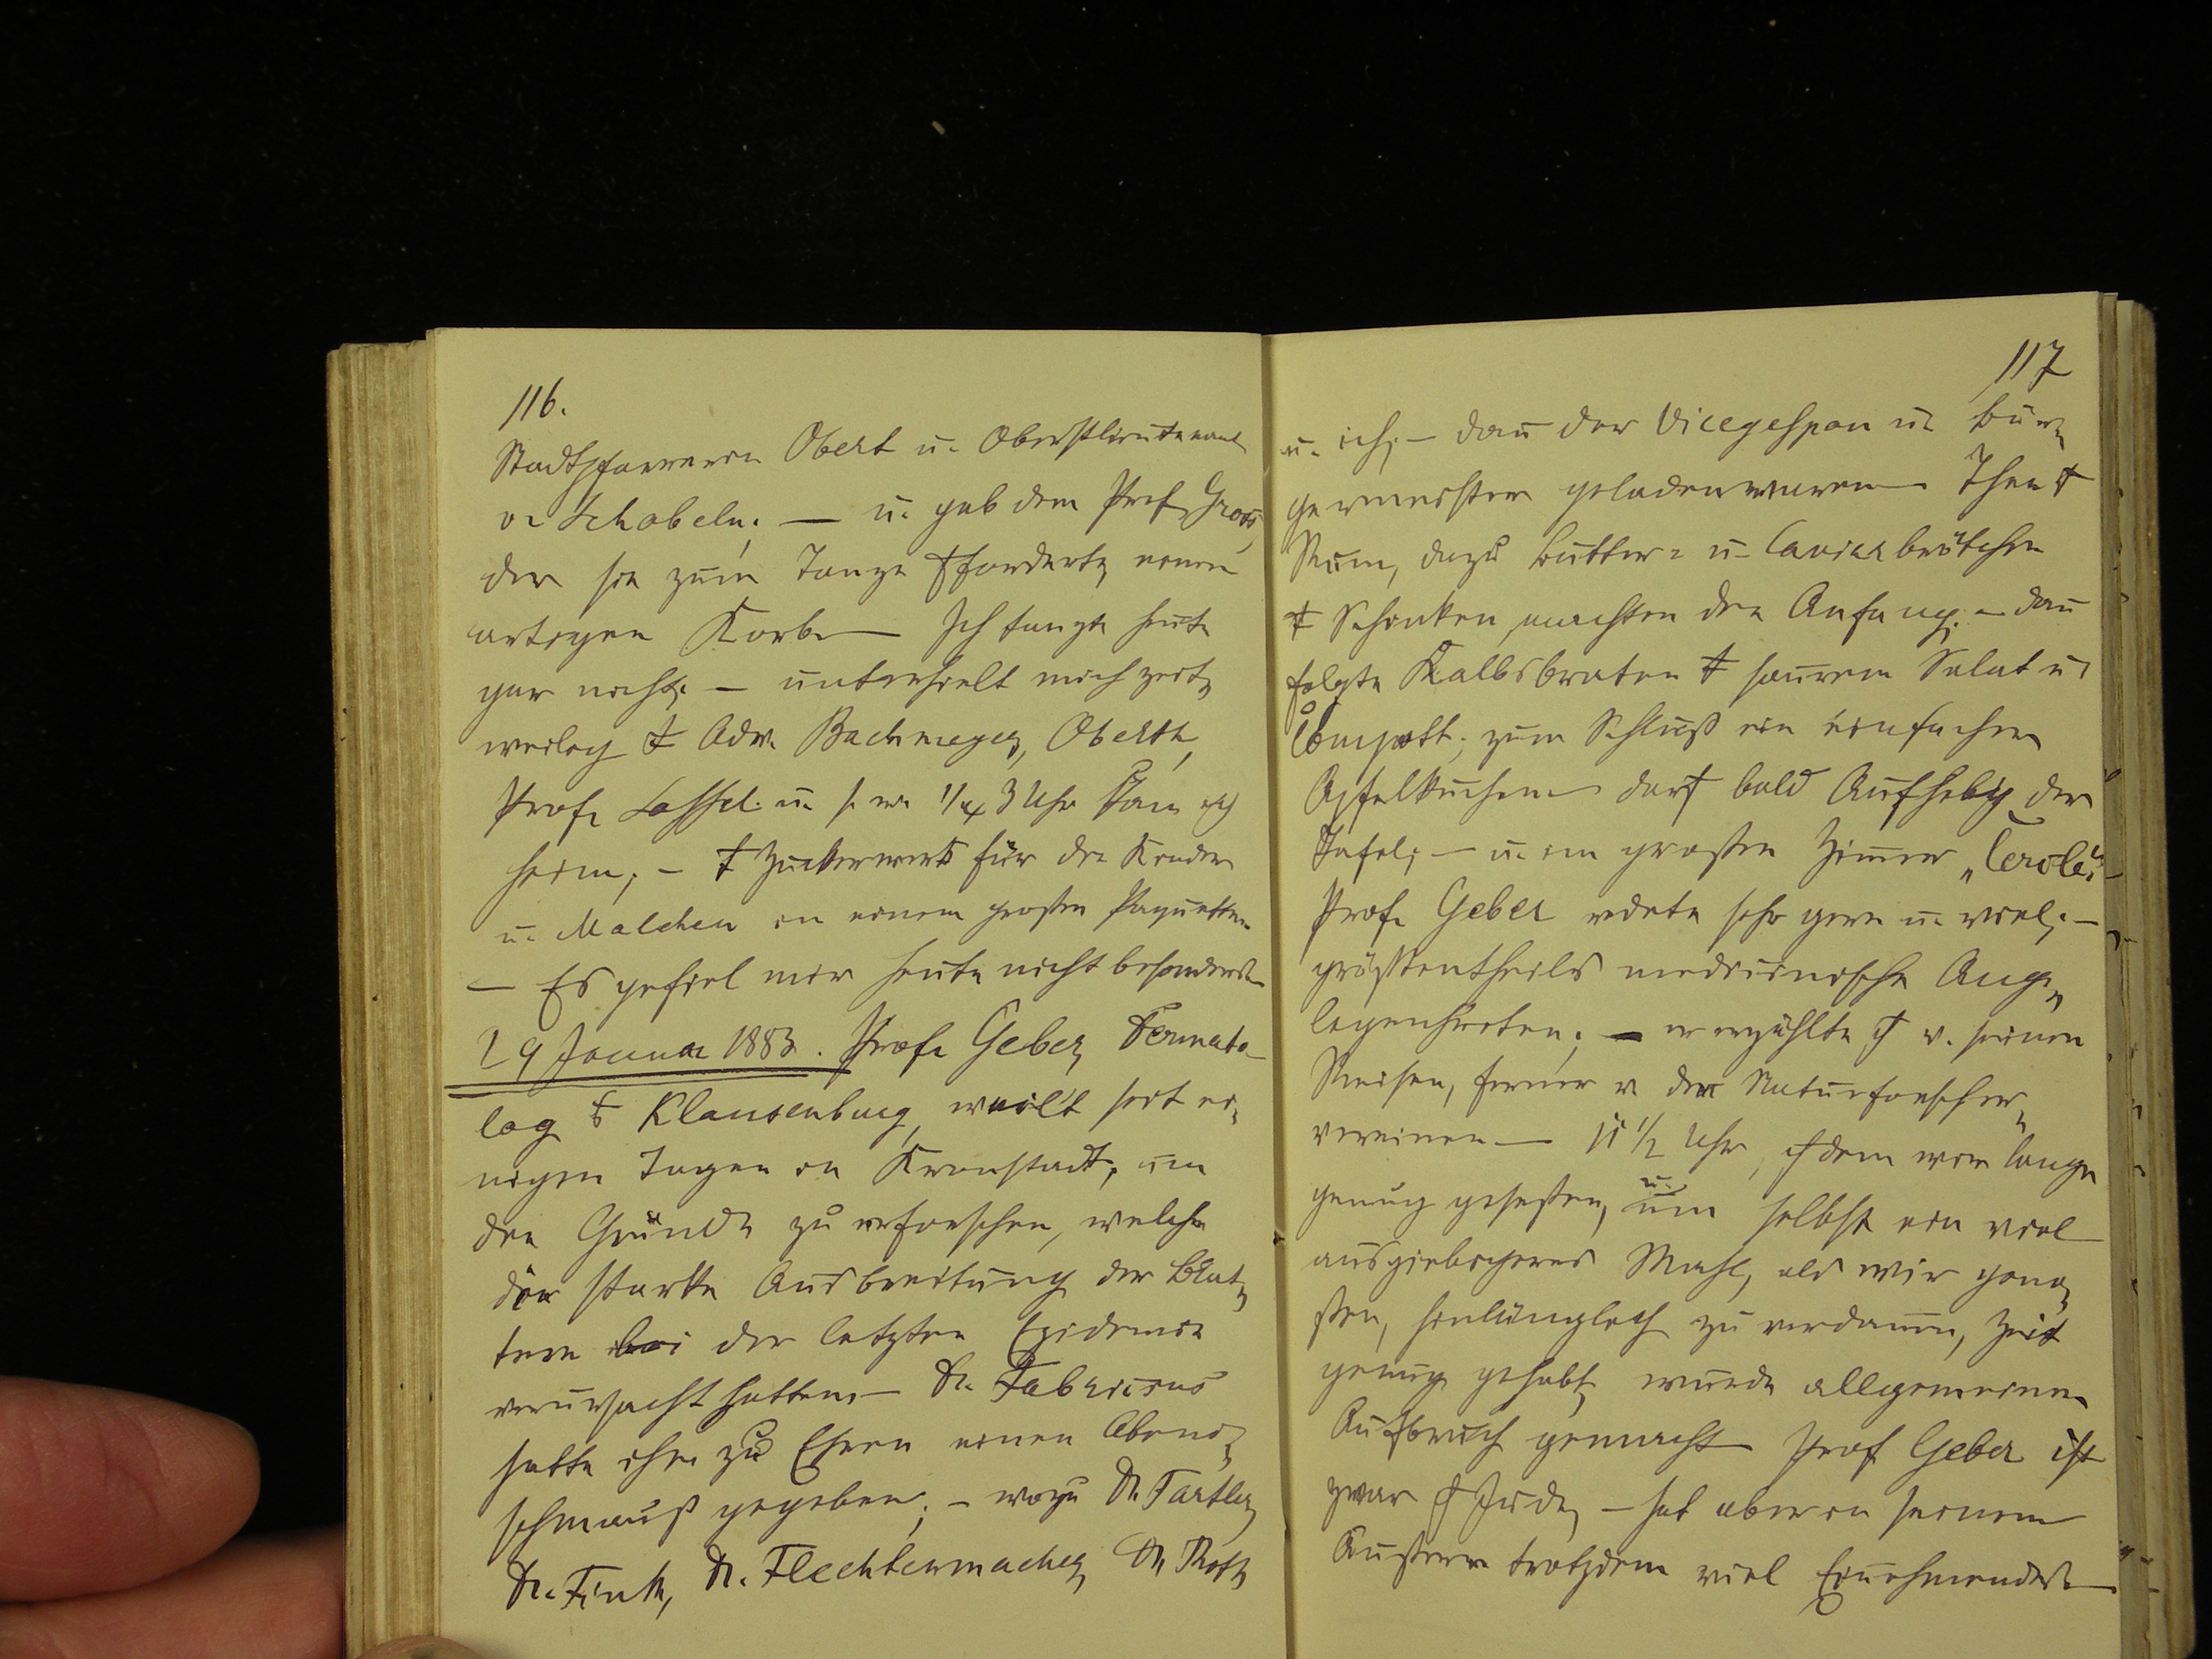116
Stadtpfarrer Obert und Oberstlieutenent
v. Schobeln; - und gab dem Prof. Gross,
der sie zum Tanz fforderte einen
artigen Korb; - Ich tanzte heute
gar nicht, - unterhielt mich zeit¬
weilig t Adv. Bachmeyer , Oberth,
Prof. Lassel u.s.w. ¼ 3 Uhr kam
ich heim, - Mit Zuckerwerk für die Kinder
u. Malchen in einem großen Paquette.
- Es gefiel mir heute nicht besonders.
29. Januar 1883. Prof. Geber, Dermato¬
loge aus Klausenburg, weilt seit ei¬
nigen Tagen in Kronstadt, um
die Gründe zu erfahren, welche
die starke Ausbreitung der Blat¬
tern bei der letzten Epidemie
verursacht hatten - Dr. Fabritius
hatte ihm zu Ehren einen Abend¬
schmaus gegeben; - wozu Dr. Tartler,
Dr. Fink, Dr. Flechtenmacher Dr. Roth
117
und ich, - dann der Vicegespan u. Bür¬
germeister geladen waren. -Thee t
Rum, dazu Butter- und Caviarbrötchen
t Schinken machten den Anfang, u. dan
folgte Kalbsbraten t saurem Salat u.
Compott; zum Schluß ein einfacher
Apfelkuchen,- darf bald Aufhebg der
Tafel.—u. im großen Zimmer ???
Prof. Geber redete sehr gerne und viel; -
größtentheils neudeisnische Ange¬
legenheiten; - er erzählte auch v. seinen
Reisen, ferner v. den Naturforscher¬
vereinen.- 11 ½ Uhr, nachdem wir lange
u.
genug geseßen, um selbst ein viel
ausgiebigeres Mahl, als wir geno¬
ßen, hinlänglich zu verdauen, Zeit
genug gehabt, wurde allgemeiner
Aufbruch gemacht.- Prof. Geber ist
zwar ??? Jude – hat aber in seinem
Äußeren trotzdem viel Einnehmendes